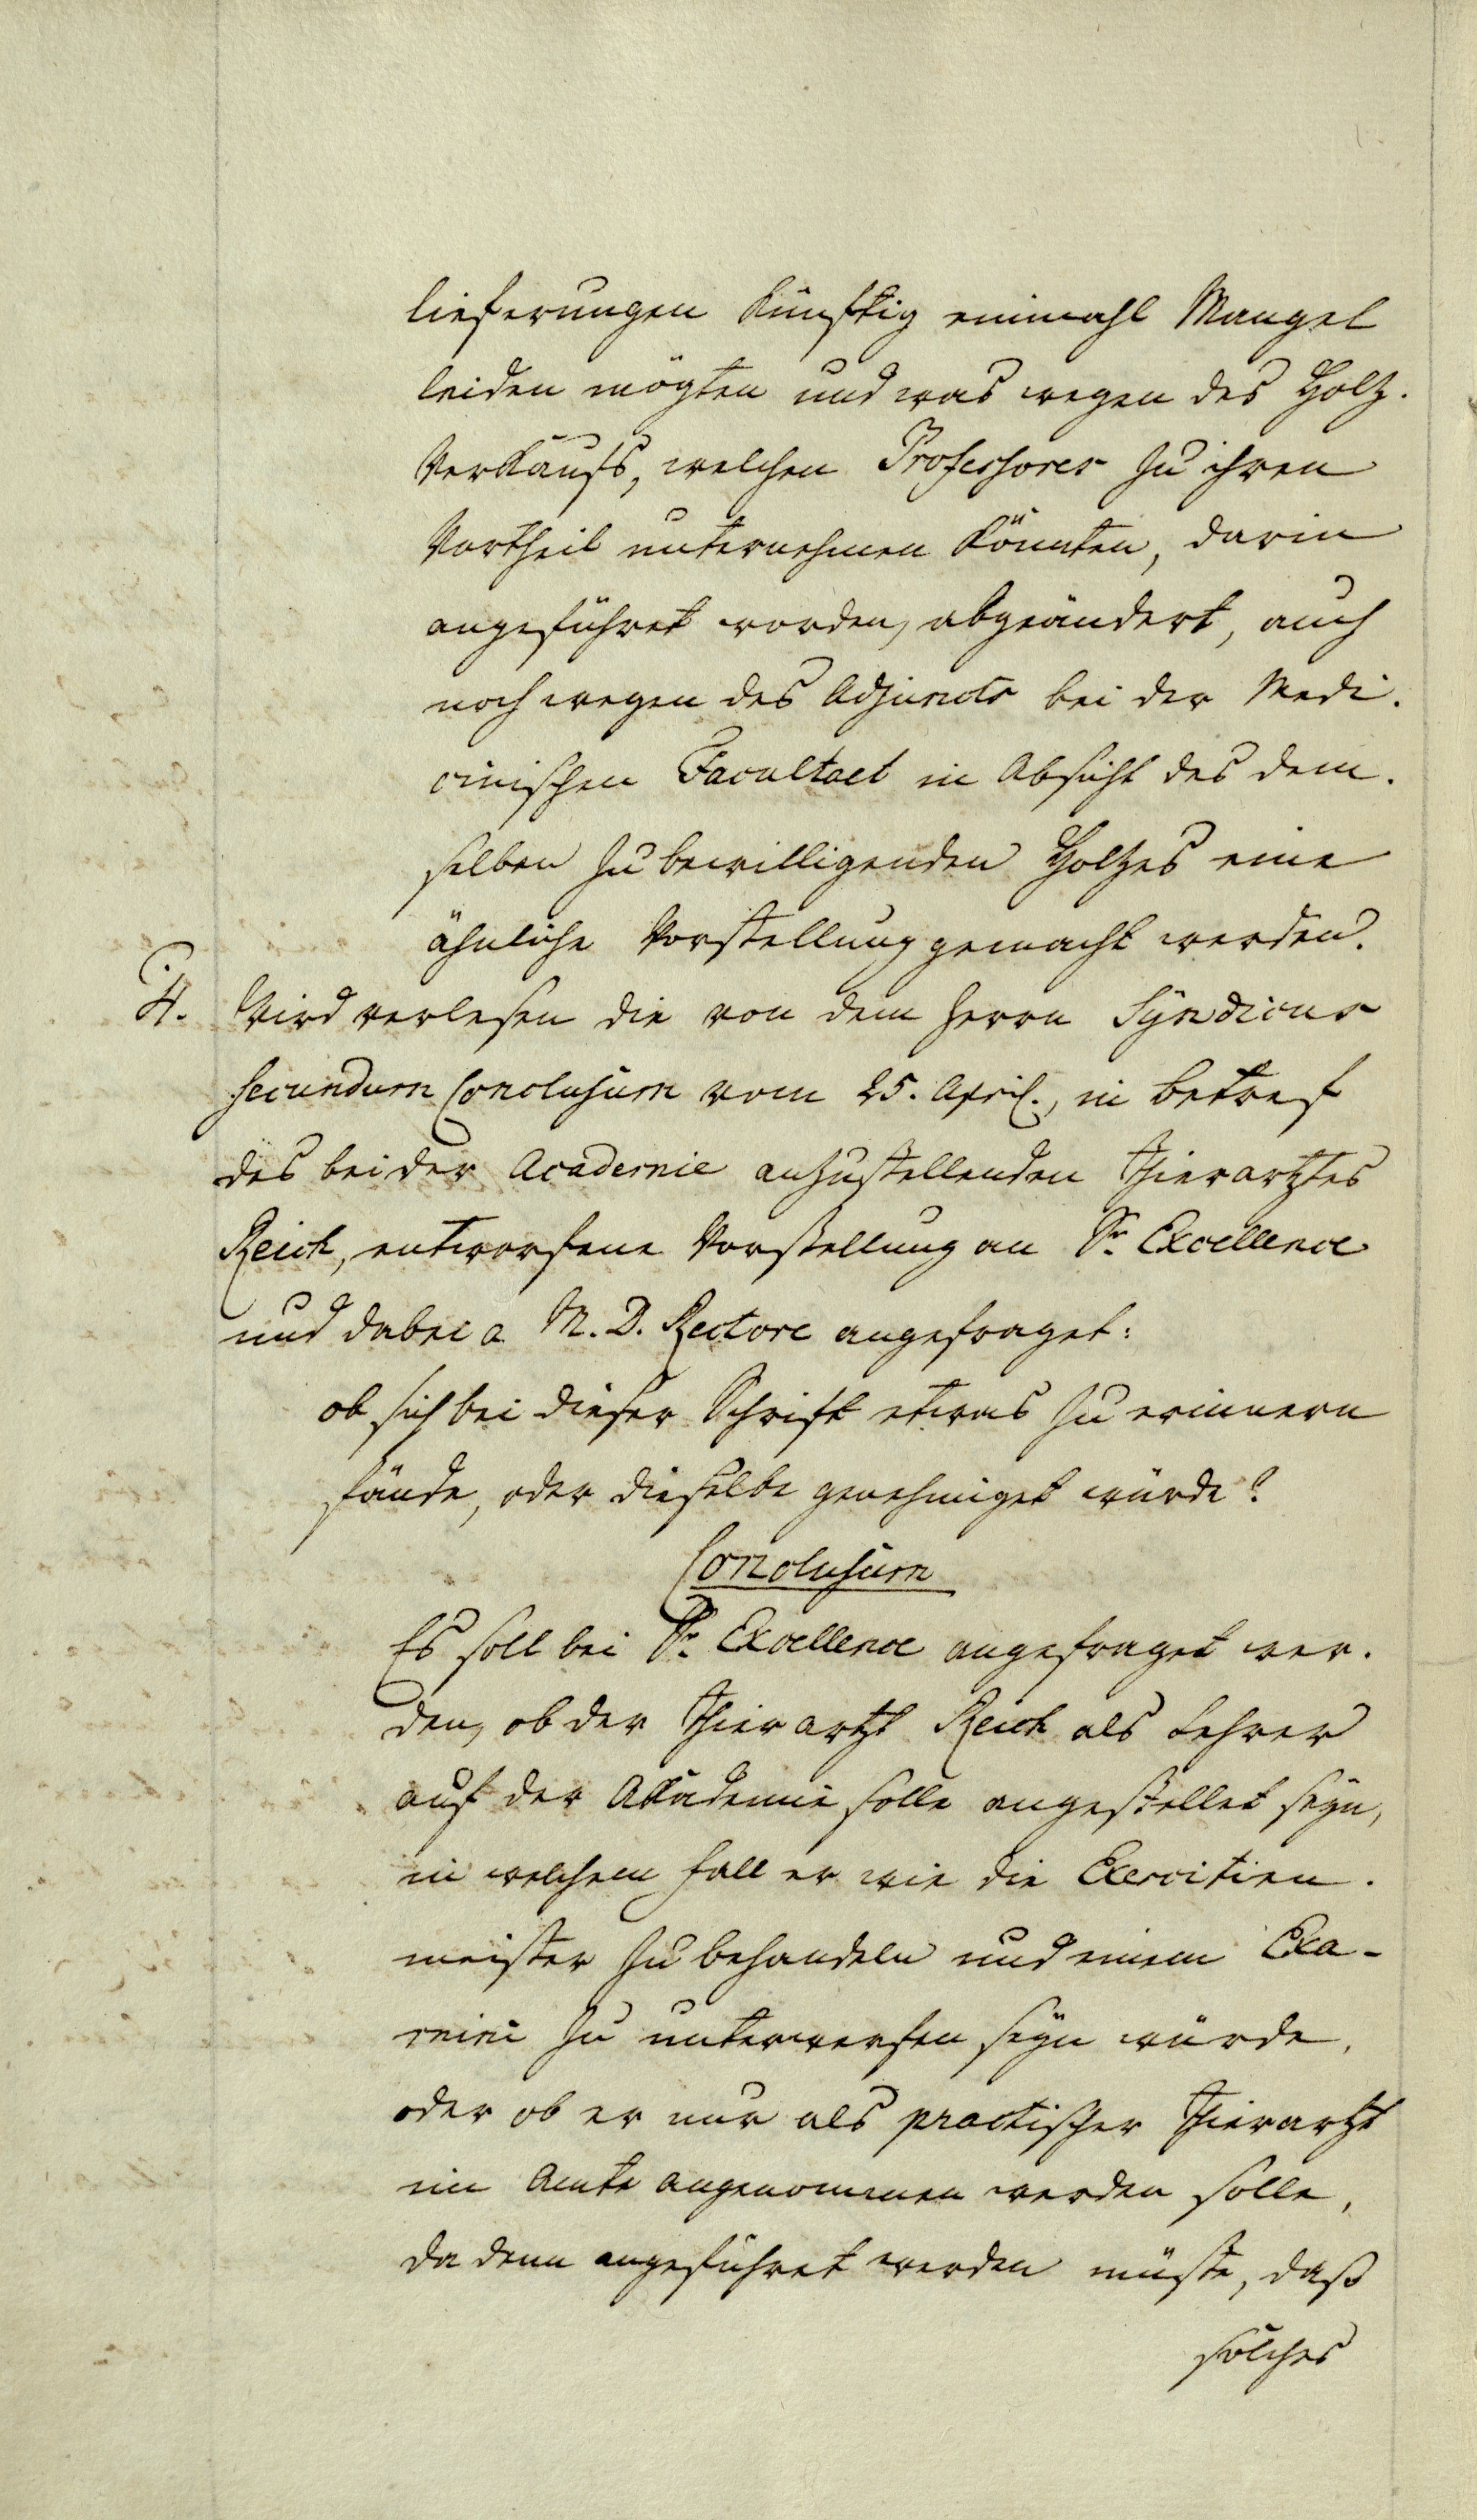lieferungen künftig einmahl Mangel
leiden mögten und was wegen des Holz¬
Verkaufs, welchen Professores zu ihren
Vortheil unternehmen könnten, darin
angeführet worden, abgeändert, auch
noch wegen des Adjuncts bei der Medi¬
cinischen Facultaet in Absicht des dem¬
selben zu bewilligenden Holzes eine
ähnliche Vorstellung gemacht werden.
4. Wird verlesen die von dem Herrn Sÿndicus
secundum Conclusum vom 25. April., in Betref
des bei der Academie anzustellenden Thierartztes
Reich, entworfene Vorstellung an Sr. Excellence
und dabei a M. D. Rectore angefraget:
ob sich bei dieser Schrift etwas zu erinnern
fände, oder dieselbe genehmiget würde?
Conclusum
Es soll bei Sr. Excellence angefraget wer¬
den, ob der Thierartzt auch als Lehrer
auf der Akademie solle angestellet seÿn,
in welchem Fall er wie die Exercitien¬
meister zu behandeln und einem Exa¬
mini zu unterwerfen seÿn würde,
oder ob er nur als practischer Tierartzt
im Amte angenommen werden solle,
da denn angeführet werden müßte, daß
solches